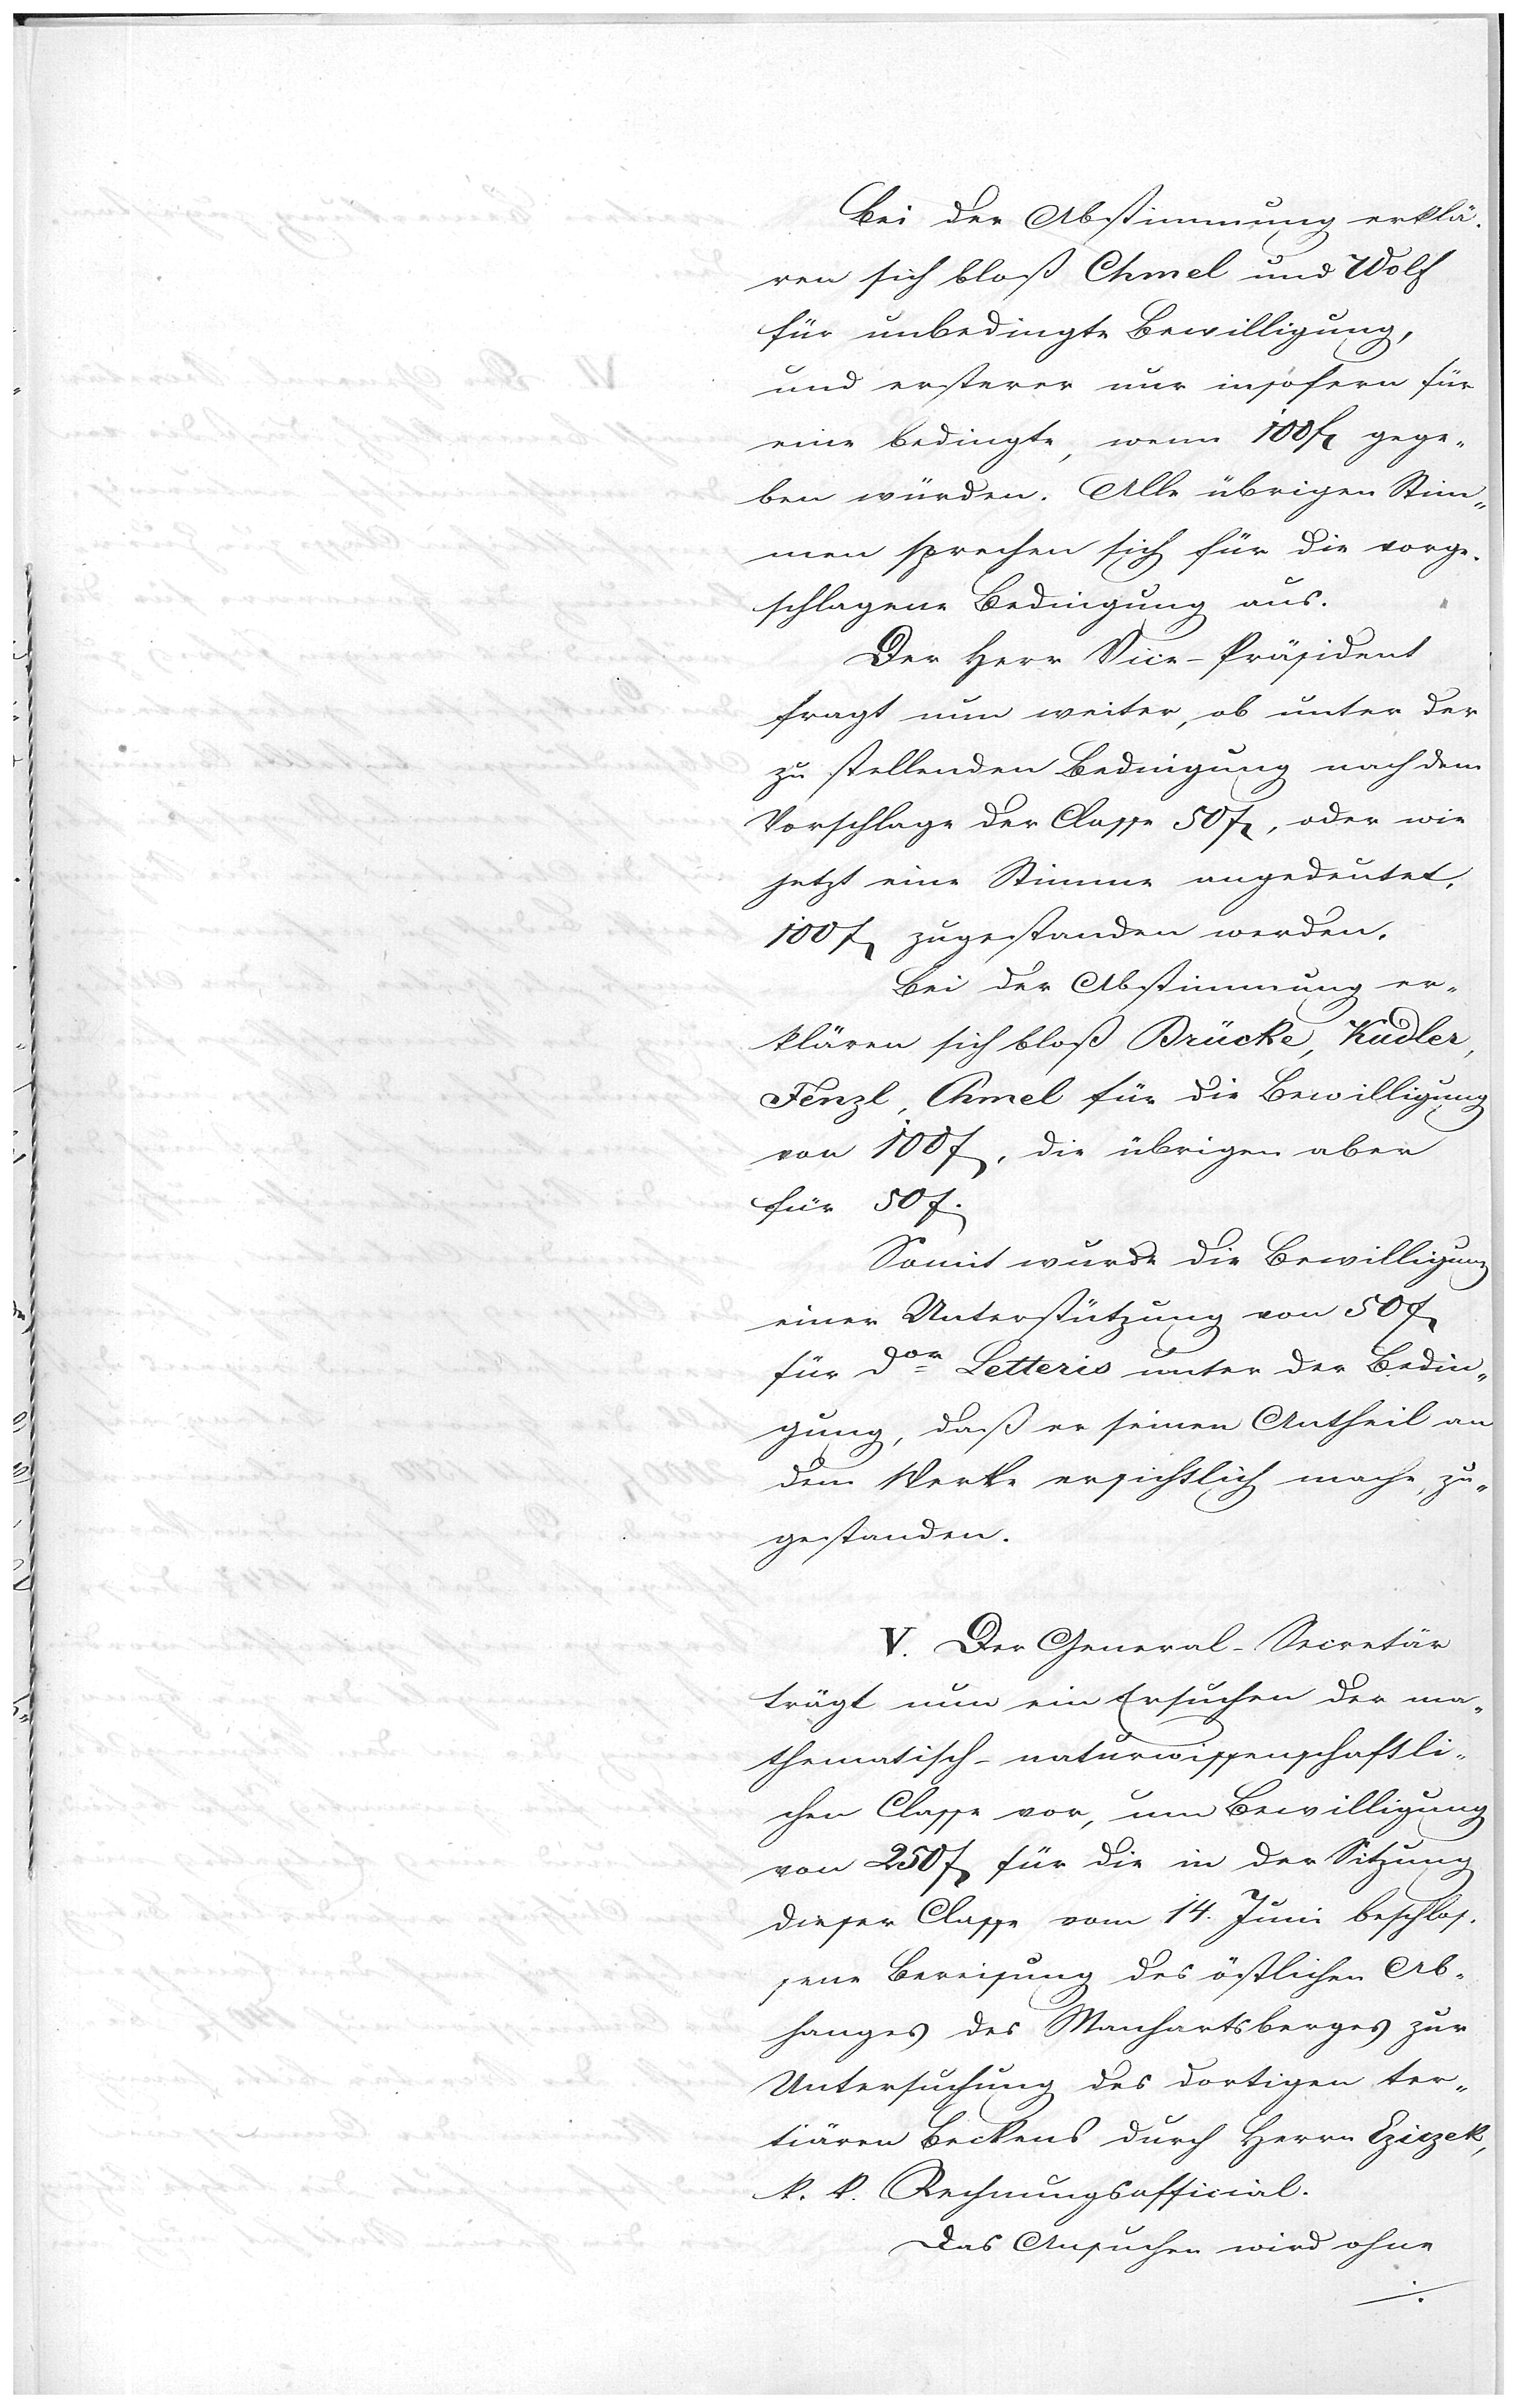Bei der Abstimmung erklär-
ren sich bloß Chmel und Wolf
für unbedingte Bewilligung,
und ersterer nur imsofern für
eine bedingte, wenn 100 fl gege-
ben würden. Alle übrigen Stim-
men sprechen sich für die vorge-
schlagene Bedingung aus.
Der Herr Vice-Präsident
fragt nun weiter, ob unter der
zu stellenden Bedingung nach dem
Vorschlage der Classe 50 fr, oder wie
jetzt eine Stimme angedeutet,
100 fr zugestanden werden.
Bei der Abstimmung er-
klären sich bloß Brücke, Kudler,
Fenzl, Chmel für die Bewilligung
von 100 fl, die übrigen aber
für 50 fl.
Somit wurde die Bewilligung
einer Unterstützung von 50 fr
für Dor Letteris unter der Bedin-
gung, daß er seinen Antheil an
dem Werke ersichtlich mache, zu-
gestanden.
V. Der General-Secretär
trägt nun ein Ersuchen der ma-
thematisch-naturwissenschaftli-
chen Classe vor, um Bewilligung
von 250 fl für die in der Sitzung
dieser Classe vom 14. Juni beschlos-
sene Bereisung des östlichen Ab-
hanges der Manhartsberges zur
Untersuchung des dortigen ter-
tiären Beckens durch Herrn Cziczek,
k. k. Rechnungsofficial.
Das Ansuchen wird ohne